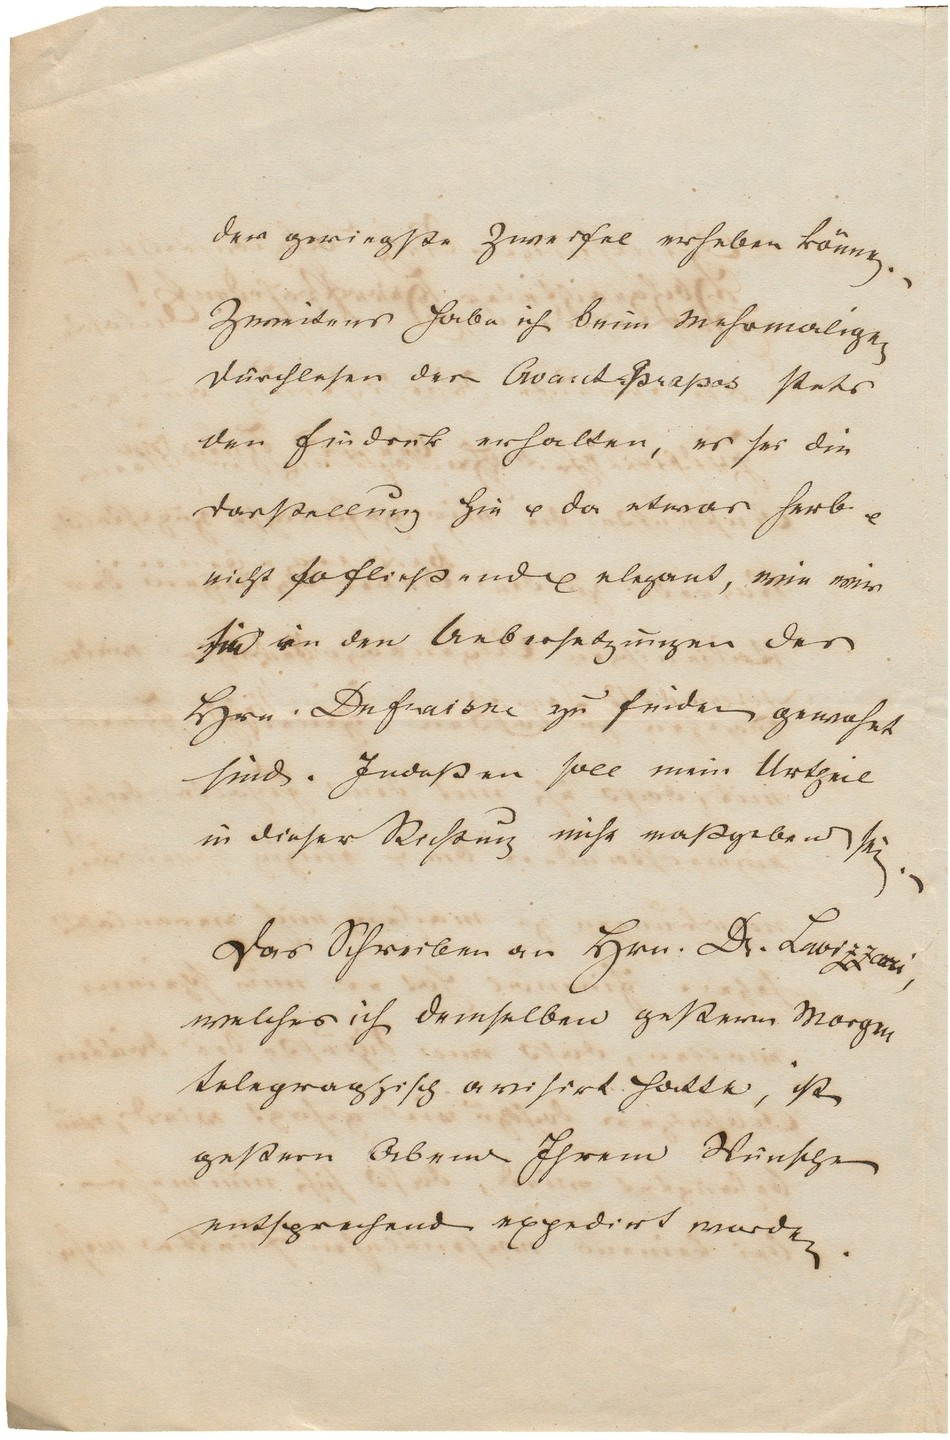der geringste Zweifel erhaben könne. –
Zweitens habe ich beim mehrmaligen
Durchlesen des Avantpropos stets
den Eindruk erhalten, es sei die
Darstellung hie & da etwas herb
nicht so fließend &elegant, wie wir
sie in den Uebersetzungen des
Hrn. Dufraisne zu finden gewohnt
sind. Indeßen soll mein Urtheil
in dieser Richtung nicht maßgebend sein. –
Das Schreiben an Hrn. Dr. Lavizzari
welches ich demselben gestern Morgen
telegraphisch avisirt hatte, ist
gestern Abend Ihrem Wunsche
entsprechend expedirt worden.